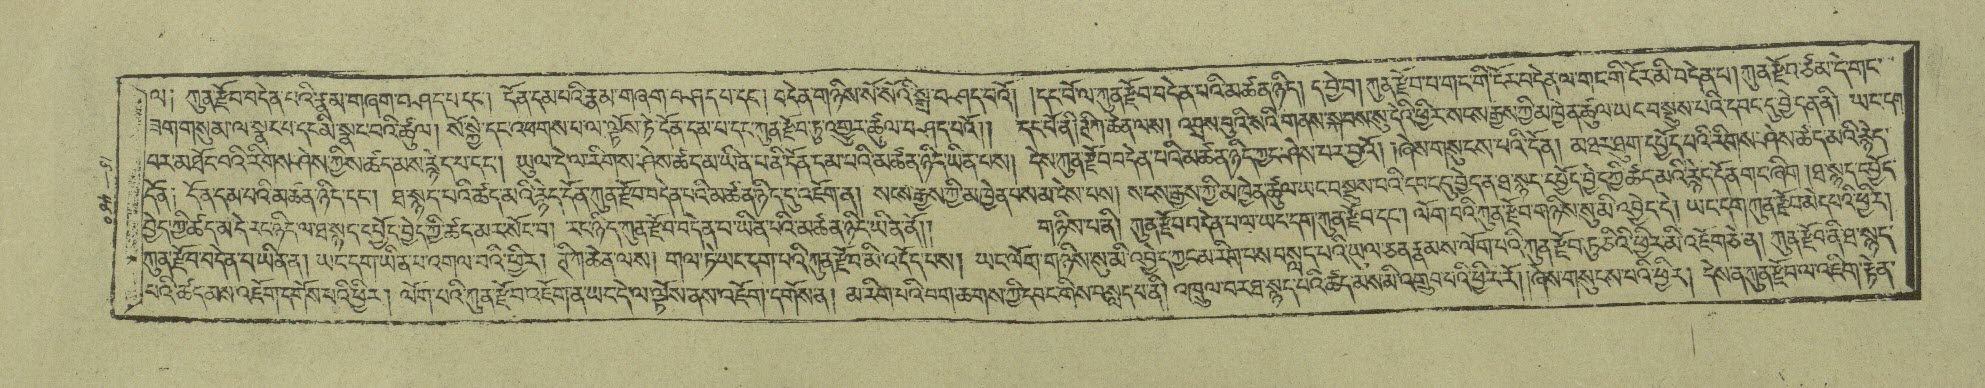ལ། ཀུན་རྫོབ་བདེན་པའི་རྣམ་གཞག་བཤད་པ་དང་། དོན་དམ་པའི་རྣམ་གཞག་བཤད་པ་དང་། བདེན་གཉིས་སོ་སོའི་སྒྲ་བཤད་པའོ། །དང་པོ་ལ་ཀུན་རྫོབ་བདེན་པའི་མཚན་ཉིད། དབྱེ་བ། ཀུན་རྫོབ་པ་གང་གི་ངོར་བདེན་ལ་གང་གི་ངོར་མི་བདེན་པ། ཀུན་རྫོབ་ཙམ་དེ་གང་
ཟག་གསུམ་ལ་སྣང་བ་དང་མི་སྣང་བའི་ཚུལ། སོ་སྐྱེ་དང་འཕགས་པ་ལ་ལྟོས་ཏེ་དོན་དམ་པ་དང་ཀུན་རྫོབ་ཏུ་འགྱུར་ཚུལ་བཤད་པའོ། །དང་པོ་ནི། ཊིཀ་ཆེན་ལས། འབྲས་བུའི་སའི་གནས་སྐབས་སུ་དེའི་ཕྱིར་སངས་རྒྱས་ཀྱི་མཁྱེན་ཚུལ་ཡང་བསྡུས་པའི་དབང་དུ་བྱེད་ན་ནི། ཡང་དག་
པར་མཐོང་བའི་རིགས་ཤེས་ཀྱིས་ཚད་མས་རྙེད་པ་དང་། ཡུལ་དེ་ལ་རིགས་ཤེས་ཚད་མ་ཡིན་པ་ནི་དོན་དམ་པའི་མཚན་ཉིད་ཡིན་པས། དེས་ཀུན་རྫོབ་བདེན་པའི་མཚན་ཉིད་ཀྱང་ཤེས་པར་བྱའོ། །ཞེས་གསུངས་པའི་དོན། མཐར་ཐུག་དཔྱོད་པའི་རིགས་ཤེས་ཚད་མའི་རྙེད་
དོན། དོན་དམ་པའི་མཚན་ཉིད་དང་། ཐ་སྙད་པའི་ཚད་མའི་རྙེད་དོན་ཀུན་རྫོབ་བདེན་པའི་མཚན་ཉིད་དུ་འཇོག་ན། སངས་རྒྱས་ཀྱི་མཁྱེན་པས་མ་ངེས་པས། སངས་རྒྱས་ཀྱི་མཁྱེན་ཚུལ་ཡང་བསྡུས་པའི་དབང་དུ་བྱེད་ན་ཐ་སྙད་དཔྱོད་བྱེད་ཀྱི་ཚད་མའི་རྙེད་དོན་གང་ཞིག །ཐ་སྙད་དཔྱོད་
བྱེད་ཀྱི་ཚད་མ་དེ་རང་ཉིད་ལ་ཐ་སྙད་དཔྱོད་བྱེད་ཀྱི་ཚད་མར་སོང་བ། རང་ཉིད་ཀུན་རྫོབ་བདེན་པ་ཡིན་པའི་མཚན་ཉིད་ཡིན་ནོ། །གཉིས་པ་ནི། ཀུན་རྫོབ་བདེན་པ་ལ་ཡང་དག་ཀུན་རྫོབ་དང་། ལོག་པའི་ཀུན་རྫོབ་གཉིས་སུ་མི་འབྱེད་དེ། ཡང་དག་ཀུན་རྫོབ་མེད་པའི་ཕྱིར།
ཀུན་རྫོབ་བདེན་པ་ཡིན་ན། ཡང་དག་ཡིན་པ་འགལ་བའི་ཕྱིར། ཊིཀ་ཆེན་ལས། གལ་ཏེ་ཡང་དག་པའི་ཀུན་རྫོབ་མི་འདོད་པས། ཡང་ལོག་གཉིས་སུ་མི་འབྱེད་ཀྱང་མ་རིག་པས་བསླད་པའི་ཡུལ་ཅན་རྣམས་ལོག་པའི་ཀུན་རྫོབ་ཏུ་ཅིའི་ཕྱིར་མི་འཇོག་ཅེ་ན། ཀུན་རྫོབ་ནི་ཐ་སྙད་
པའི་ཚད་མས་འཇོག་དགོས་པའི་ཕྱིར། ལོག་པའི་ཀུན་རྫོབ་འཇོག་ན་ཡང་དེ་ལ་ལྟོས་ནས་འཇོག་དགོས་ན། མ་རིག་པའི་བག་ཆགས་ཀྱི་དབང་གིས་བསླད་པ་ནི། འཁྲུལ་པར་ཐ་སྙད་པའི་ཚད་མས་མི་འགྲུབ་པའི་ཕྱིར་རོ། །ཞེས་གསུངས་པའི་ཕྱིར། དེས་ན་ཀུན་རྫོབ་ལ་འཇིག་རྟེན་